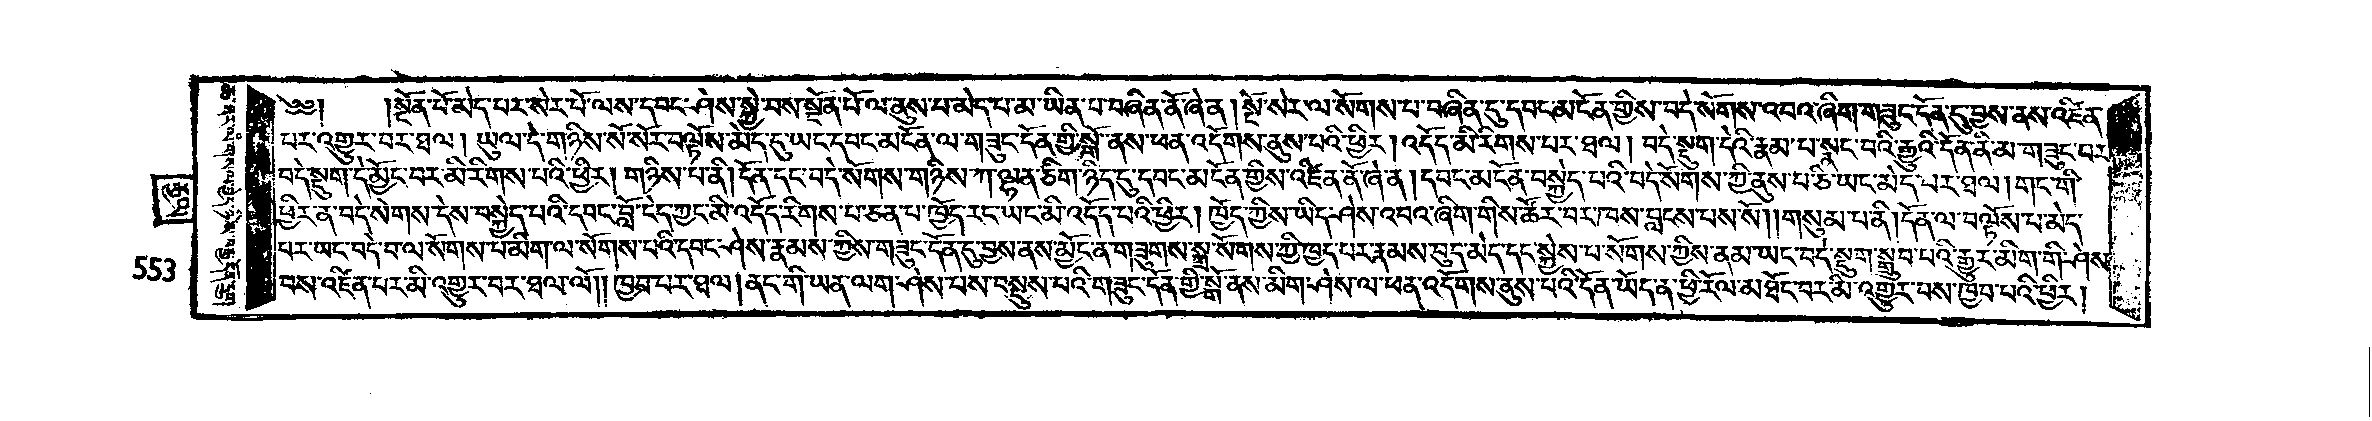༄༅། །སྔོན་པོ་མེད་པར་སེར་པོ་ལས་དབང་ཤེས་སྐྱེ་བས་སྔོན་པོ་ལ་ནུས་པ་མེད་པ་མ་ཡིན་པ་བཞིན་ནོ་ཞེ་ན། སྔོ་སེར་ལ་སོགས་པ་བཞིན་དུ་དབང་མངོན་གྱིས་བདེ་སོགས་འབའ་ཞིག་གཟུང་དོན་དུ་བྱས་ནས་འཛིན་
པར་འགྱུར་བར་ཐལ། ཡུལ་དེ་གཉིས་སོ་སེར་བལྟོས་མེད་དུ་ཡང་དབང་མངོན་ལ་གཟུང་དོན་གྱི་སྒོ་ནས་ཕན་འདོགས་ནུས་པའི་ཕྱིར། འདོད་མི་རིགས་པར་ཐལ། བདེ་སྡུག་དེའི་རྣམ་པ་སྣང་བའི་རྒྱུའི་དོན་ནི་མ་གཟུང་བར་
བདེ་སྡུག་དེ་མྱོང་བར་མི་རིགས་པའི་ཕྱིར། གཉིས་པ་ནི། དོན་དང་བདེ་སོགས་གཉིས་ཀ་ལྷན་ཅིག་ཉིད་དུ་དབང་མངོན་གྱིས་འཛིན་ནོ་ཞེ་ན། དབང་མངོན་བསྐྱེད་པའི་བདེ་སོགས་ཀྱི་ནུས་པ་ཅི་ཡང་མེད་པར་ཐལ། གང་གི་
ཕྱིར་ན་བདེ་སེགས་དེས་བསྐྱེད་པའི་དབང་བློ་ངེད་ཀྱང་མི་འདེད་རིགས་པ་ཅན་པ་ཁྱོད་རང་ཡང་མི་འདོད་པའི་ཕྱིར། ཁྱོད་ཀྱིས་ཡིད་ཤེས་འབའ་ཞིག་གིས་ཚོར་བར་ཁས་བླངས་པས་སོ། །གསུམ་པ་ནི། དོན་ལ་བལྟོས་པ་མེད་
པར་ཡང་བདེ་བ་ལ་སོགས་པ་མིག་ལ་སོགས་པའི་དབང་ཤེས་རྣམས་ཀྱིས་གཟུང་དོན་དུ་བྱས་ནས་མྱོང་ན་གཟུགས་སྒྲ་སོགས་ཀྱི་ཁྱད་པར་རྣམས་བུད་མེད་དང་སྐྱེས་པ་སོགས་ཀྱིས་ནམ་ཡང་བདེ་སྡུག་སྒྲུབ་པའི་རྒྱུར་མིག་གི་ཤེས་
བས་འཛིན་པར་མི་འགྱུར་བར་ཐལ་ལོ། །ཁྱབ་པར་ཐལ། ནང་གི་ཡན་ལག་ཤེས་པས་བསྡུས་པའི་གཟུང་དོན་གྱི་སྒོ་ནས་མིག་ཤེས་ལ་ཕན་འདོགས་ནུས་པའི་དོན་ཡོད་ན་ཕྱི་རོལ་མཐོང་བར་མི་འགྱུར་བས་ཁྱབ་པའི་ཕྱིར་